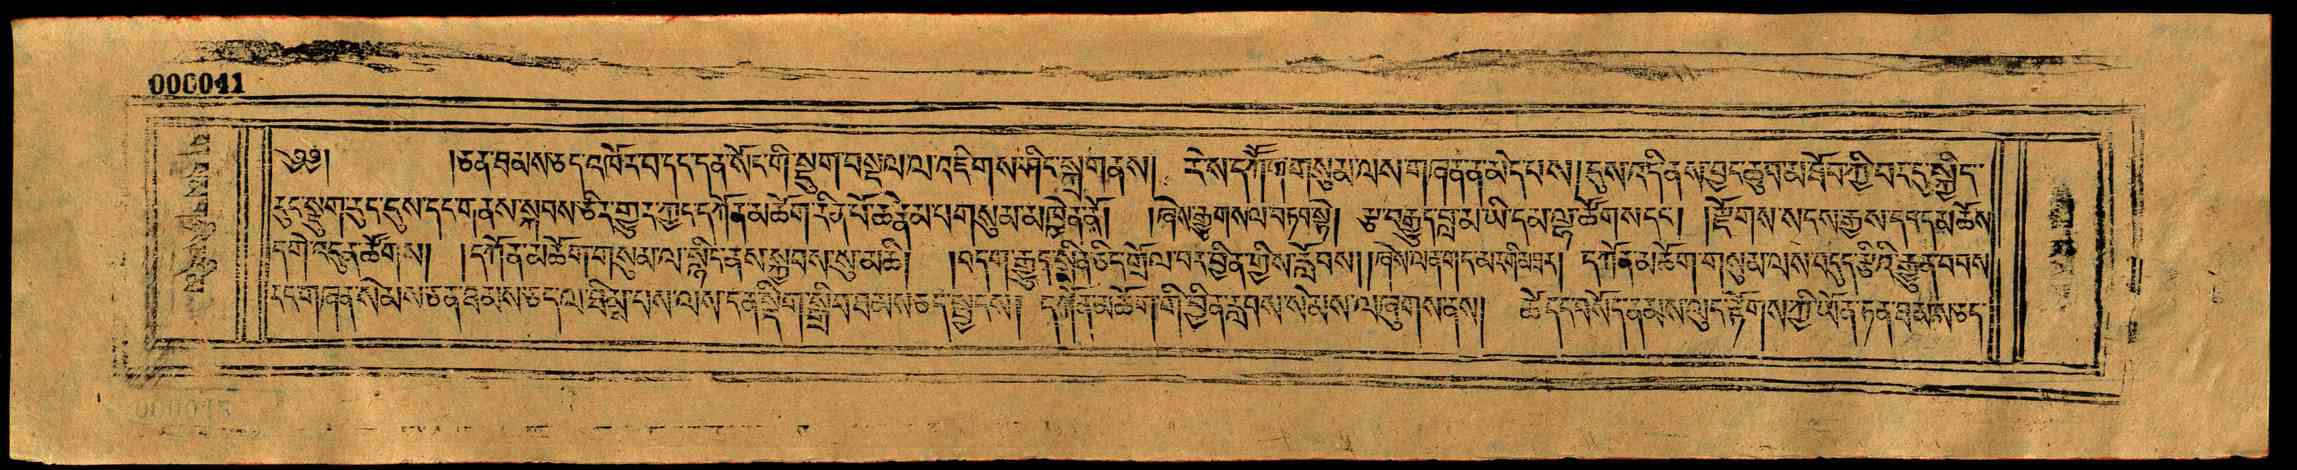༄༅། །ཅན་ཐམས་ཅད་འཁོར་བ་དང་ངན་སོང་གི་སྡུག་བསྔལ་ལ་འཇིགས་ཤིང་སྐྲག་ནས། རེ་ས་དཀོད་མཆོག་གསུམ་ལས་གཞན་ན་མེད་པས། དུས་འདི་ནས་བྱང་ཆུབ་མ་ཐོབ་ཀྱི་བར་དུ་སྐྱིད་
རུང་སྡུག་རུང་དུས་དང་གནས་སྐབས་ཅིར་གྱུར་ཀྱང་དཀོན་མཆོག་རིན་པོ་ཆེ་རྣམ་པ་གསུམ་མཁྱེན་ནོ། ། ཞེས་རྒྱུ་གསལ་བཏབ་སྟེ།  རྩ་བརྒྱུད་བླ་མ་ཡི་དམ་ལྷ་ཚོགས་དང་། །རྫོགས་སངས་རྒྱས་དང་དམ་ཆོས་
དགེ་འདུན་ཚོགས། །དཀོན་མཆོག་གསུམ་ལ་སྙིང་ནས་སྐྱབས་སུ་མཆི། །བདག་རྒྱུད་སྨིན་ཅིང་གྲོལ་བར་བྱིན་གྱིས་རློབས། ། ཞེས་ལན་གང་མང་གི་མཐར།  དཀོན་མཆོག་གསུམ་ལས་བདུད་རྩིའི་རྒྱུན་བབས་
རང་གཞན་སེམས་ཅན་ཐམས་ཅད་ལ་ཐིམས་པས་ལས་ངན་སྡིག་སྒྲིབ་ཐམས་ཅད་སྦྱངས། དཀོན་མཆོག་གི་བྱིན་རླབས་སེམས་ལ་ཞུགས་ནས། ཚེ་དང་བསོད་ནམས་ལུང་རྟོགས་ཀྱི་ཡོན་ཏན་ཐམས་ཅད་